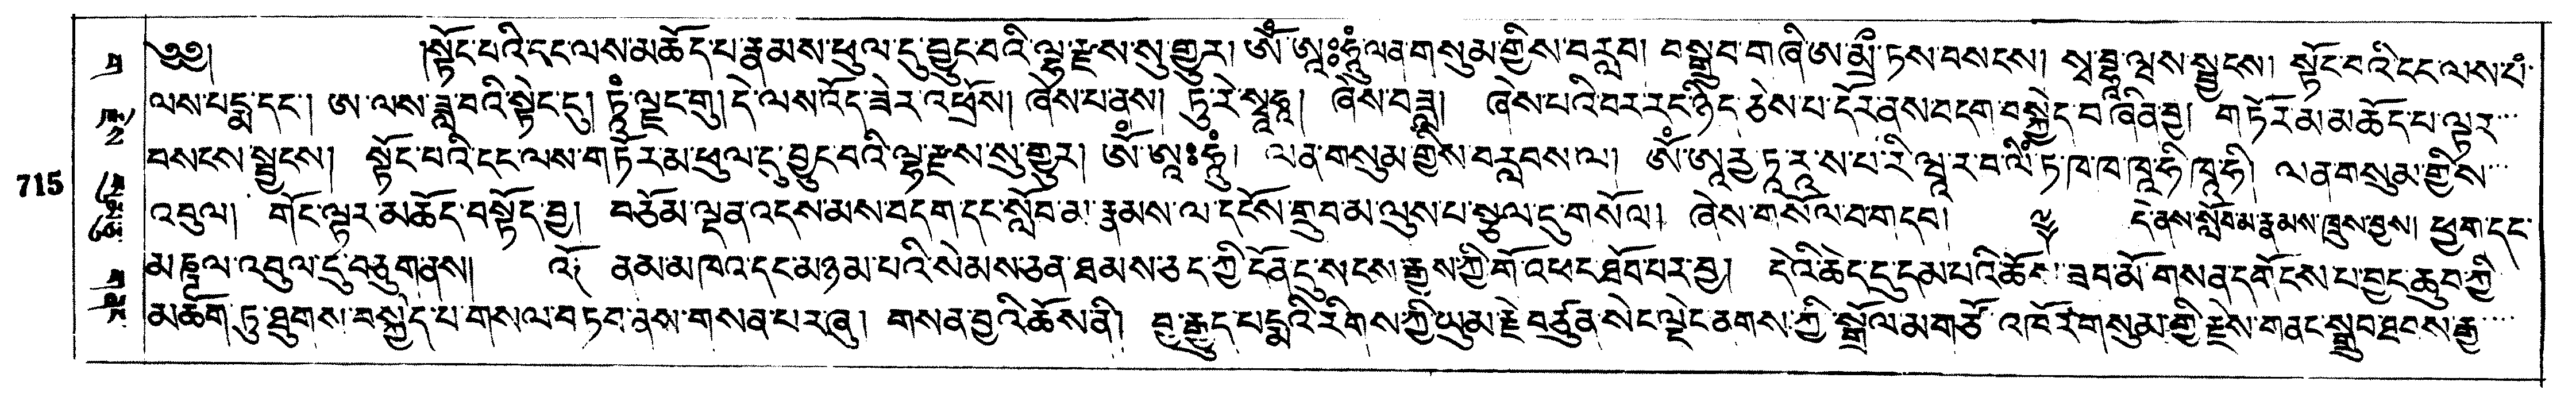༄༅། །སྟོང་པའི་ངང་ལས་མཆོད་པ་རྣམས་ཕུལ་དུ་བྱུང་བའི་ལྷ་རྫས་སུ་གྱུར། ཨོཾ་ཨཱཿ ཧཱུཾ་ལན་གསུམ་གྱིས་བརླབ། བསྒྲུབ་གཞི་ཨ་མྲྀ་ཏས་བསངས། སྭ་བྷཱ་ཝས་སྦྱངས། སྟོང་པའི་ངང་ལས་པཾ་
ལས་པདམ་དང་། ཨ་ལས་ཟླ་བའི་སྟེང་དུ། ཏཱཾ་ལྗང་གུ། དེ་ལས་འོད་ཟེར་འཕྲོས། ཞེས་པ་ནས། ཏུ་རེ་སྭཱཧཱ། ཞེས་བཟླ། ཞེས་པའི་བར་རང་ཉིད་ཅེས་པ་དོར་ནས་བདག་བསྐྱེད་བཞིན་བྱ། གཏོར་མ་མཆོད་པ་ལྟར་
བསངས་སྦྱངས། སྟོང་པའི་ངང་ལས་གཏོར་མ་ཕུལ་དུ་བྱུང་བའི་ལྷ་རྫས་སུ་གྱུར། ཨོཾ་ཨཱཿ ཧཱུཾ། ལན་གསུམ་གྱིས་བརླབས་ལ། ཨོཾ་ཨཱརྱ་ཏཱ་རཱ་ས་པ་རི་ཝཱ་ར་བ་ལིཾ་ཏ་ཁ་ཁ་ཁཱ་ཧི་ཁཱ་ཧི། ལན་གསུམ་གྱིས་
འབུལ། གོང་ལྟར་མཆོད་བསྟོད་བྱ། བཅོམ་ལྡན་འདས་མས་བདག་དང་སློབ་མ་རྣམས་ལ་དངོས་གྲུབ་མ་ལུས་པ་སྩལ་དུ་གསོལ། ཞེས་གསོལ་བ་གདབ། ་༈ དེ་ནས་སློབ་མ་རྣམས་ཁྲུས་བྱས།  ཕྱག་དང་
མཎྜལ་འབུལ་དུ་བཅུག་ནས། འོ༑ ནམ་མཁའ་དང་མཉམ་པའི་སེམས་ཅན་ཐམས་ཅད་ཀྱི་དོན་དུ་སངས་རྒྱས་ཀྱི་གོ་འཕང་ཐོབ་པར་བྱ། དེའི་ཆེད་དུ་དམ་པའི་ཆོས་ཟབ་མོ་གསན་དགོངས་པ་བྱང་ཆུབ་ཀྱི་
མཆོག་ཏུ་ཐུགས་བསྐྱེད་པ་གསལ་བཏབ་ནས་གསན་པར་ཞུ། གསན་བྱའི་ཆོས་ནི། བྱ་རྒྱུད་པདམའི་རིགས་ཀྱི་ཡུམ་རྗེ་བཙུན་སེང་ལྡེང་ནགས་ཀྱི་སྒྲོལ་མ་གཙོ་འཁོར་གསུམ་གྱི་རྗེས་གནང་སྒྲུབ་ཐབས་རྒྱ་